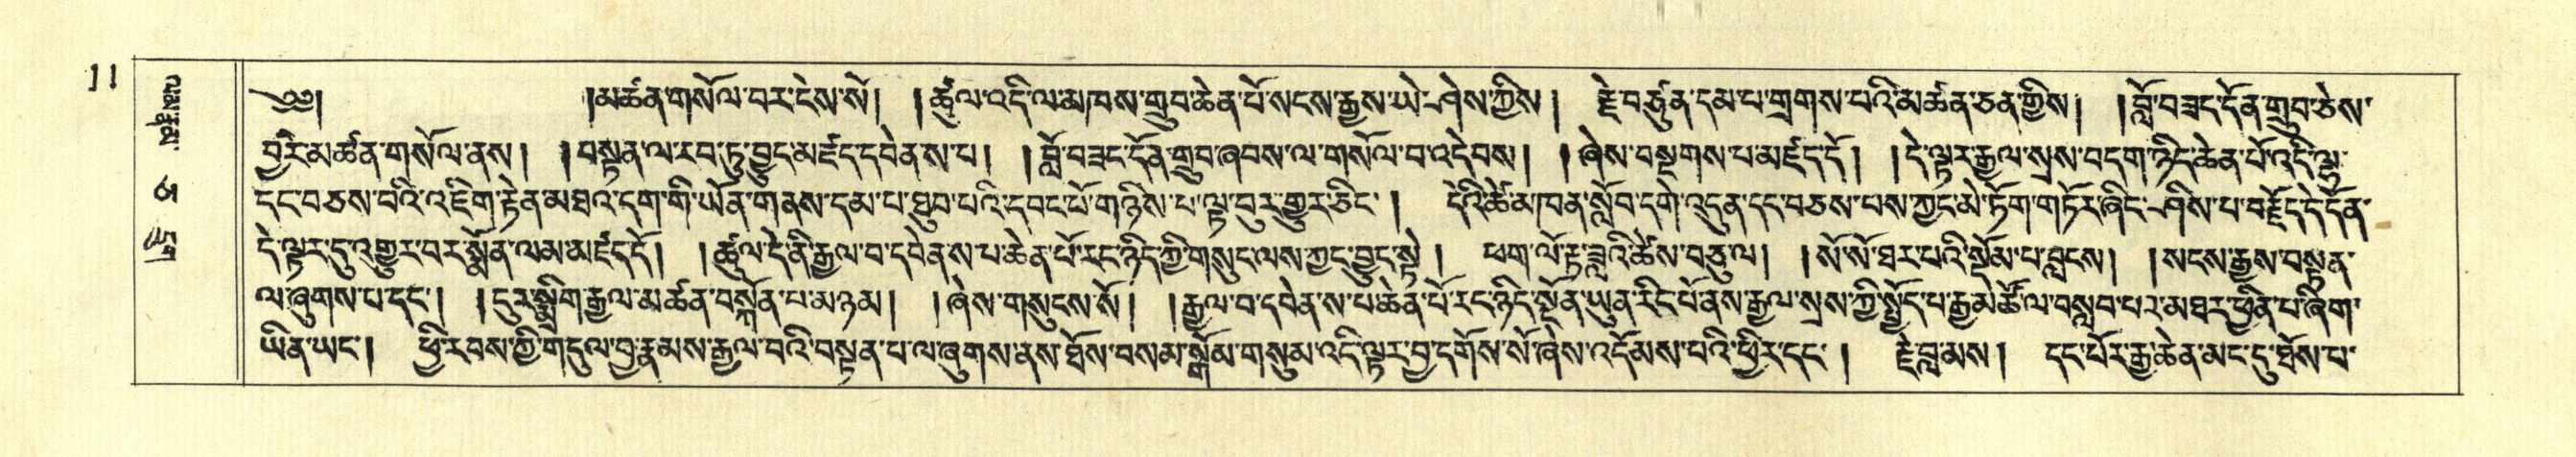༄༅། །མཚན་གསོལ་བར་ངེས་སོ། །ཚུལ་འདི་ལ་མཁས་གྲུབ་ཆེན་པོ་སངས་རྒྱས་ཡེ་ཤེས་ཀྱིས། རྗེ་བཙུན་དམ་པ་གྲགས་པའི་མཚན་ཅན་གྱིས། །བློ་བཟང་དོན་གྲུབ་ཅེས་
བྱེར?་མཚན་གསོལ་ནས། །བསྟན་ལ་རབ་ཏུ་བྱུང་མཛད་དབེན་ས་པ། །བློ་བཟང་དོན་གྲུབ་ཞབས་ལ་གསོལ་བ་འདེབས། །ཞེས་བསྔགས་པ་མཛད་དོ། །དེ་ལྟར་རྒྱལ་སྲས་བདག་ཉིད་ཆེན་པོ་འདི་ལྷ་
དང་བཅས་པའི་འཇིག་རྟེན་མཐའ་དག་གི་ཡོན་གནས་དམ་པ་ཐུབ་པའི་དབང་པོ་གཉིས་པ་ལྟ་བུར་གྱུར་ཅིང་། དེའི་ཚེ་མཁན་སློབ་དགེ་འདུན་དང་བཅས་པས་ཀྱང་མེ་ཏོག་གཏོར་ཞིང་ཤིས་པ་བརྗོད་དེ་དོན་
དེ་ལྟར་དུ་འགྱུར་བར་སྨོན་ལམ་མཛད་དོ། །ཚུལ་དེ་ནི་རྒྱལ་བ་དབེན་ས་པ་ཆེན་པོ་རང་ཉིད་ཀྱི་གསུང་ལས་ཀྱང་བྱུང་སྟེ། ཕག་ལོ་རྟ་ཟླའི་ཚེས་བཅུ་ལ། །སོ་སོ་ཐར་པའི་སྡོམ་པ་བླངས། །སངས་རྒྱས་བསྟན་
ལ་ཞུགས་པ་དང་། །ངུར་སྨྲིག་རྒྱལ་མཚན་བསྐོན་པ་མཉམ། །ཞེས་གསུངས་སོ། །རྒྱལ་བ་དབེན་ས་པ་ཆེན་པོ་རང་ཉིད་སྔོན་ཡུན་རིང་པོ་ནས་རྒྱལ་སྲས་ཀྱི་སྤྱོད་པ་རྒྱ་མཚོ་ལ་བསླབ་པར་མཐར་ཕྱིན་པ་ཞིག་
ཡིན་ཡང་། ཕྱི་རབས་ཀྱི་གདུལ་བྱ་རྣམས་རྒྱལ་བའི་བསྟན་པ་ལ་ཞུགས་ནས་ཐོས་བསམ་སྒོམ་གསུམ་འདི་ལྟར་བྱ་དགོས་སོ་ཞེས་འདོམས་པའི་ཕྱིར་དང་། རྗེ་བླ་མས། དང་པོར་རྒྱ་ཆེན་མང་དུ་ཐོས་པ་